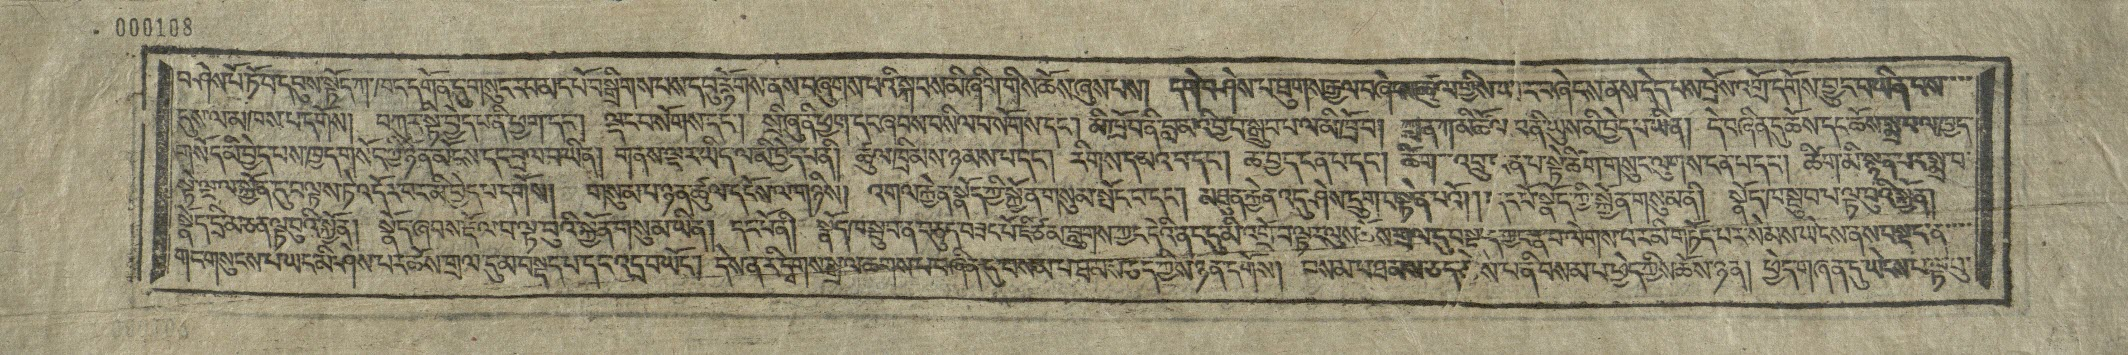བཤེས་པོ་ཏོ་བ་དབུས་སྟོད་ཀ་ཁང་དགོན་དུ་གསུང་རབ་མང་པོ་བསྒྲིགས་པས་དབུ་རྙོགས་ནས་བཞུགས་པའི་སྐབས་མི་ཞིག་གིས་ཆོས་ཞུས་པས། དགེ་བཤེས་པ་ཐུགས་རྒྱལ་བཞེངས་ཚུལ་གྱིས་ཡར་བཞེངས་ནས་དེད་པས་བྲོས་འགྲོ་དགོས་བྱུང་བ་ཡིན་པས་
དུས་ལ་མཁས་པ་དགོས། བཀུར་སྟི་བྱེད་པ་ནི་ཕྱག་དང་། ལྡང་བ་སོགས་དང་། སྲི་ཞུ་ནི་ཕྱག་དང་ཞབས་བསིལ་བ་སོགས་དང་། མི་ཁྲོ་བ་ནི་བླ་མའི་བྱ་བ་སྒྲུབ་པ་ལ་མི་ཁྲོ་བ། ཀླན་ཀ་མི་ཚོལ་བ་ནི་ཡུས་མི་བྱེད་པ་ཡིན། དེ་བཞིན་དུ་ཆོས་དང་ཆོས་སྨྲ་བ་ལ་ཁྱད་
གསོད་མི་བྱེད་པས་ཁྱད་གསོད་ཀྱི་ཉོན་མོངས་དང་བྲལ་བ་ཡིན། གནས་ལྔར་ཡིད་ལ་མི་བྱེད་པ་ནི། ཚུལ་ཁྲིམས་ཉམས་པ་དང་། རིགས་དམའ་བ་དང་། ཆ་བྱད་ངན་པ་དང་། ཚིག་འབྲུ་ངན་པ་སྟེ་ཚིག་གསུང་ལུགས་ངན་པ་དང་། ཚིག་མི་སྙན་པར་སྨྲ་བ་
སྟེ་ལྔ་ལ་སྐྱོན་དུ་བལྟས་ཏེ་འདོར་བར་མི་བྱེད་པ་དགོས། གསུམ་པ་ཉན་ཚུལ་དངོས་ལ་གཉིས། འགལ་རྐྱེན་སྣོད་ཀྱི་སྐྱོན་གསུམ་སྤོང་བ་དང་། མཐུན་རྐྱེན་འདུ་ཤེས་དྲུག་བསྟེན་པའོ། །དང་པོ་སྣོད་ཀྱི་སྐྱོན་གསུམ་ནི། སྣོད་ཁ་སྦུབ་པ་ལྟ་བུའི་སྐྱོན།
སྣོད་དྲི་མ་ཅན་ལྟ་བུའི་སྐྱོན། སྣོད་ཞབས་རྡོལ་བ་ལྟ་བུའི་སྐྱོན་གསུམ་ཡིན། དང་པོ་ནི། སྣོད་ཁ་སྦུབ་ན་བཅུད་བཟང་པོ་ཇི་ཙམ་བླུགས་ཀྱང་དེའི་ནང་དུ་མི་འགྲོ་བ་ལྟར་ལུས་ཆོས་གྲལ་དུ་བསྡད་ཀྱང་རྣ་བ་ལེགས་པར་མི་གཏོད་པར་སེམས་ཡེངས་ནས་བསྡད་ན་
གང་གསུངས་པ་ཡང་མི་ཤེས་པར་ཆོས་གྲལ་དུ་མ་བསྡད་པ་དང་འདྲ་བ་ཡོང་། དེས་ན་རི་དྭགས་སྒྲ་ལ་ཆགས་པ་བཞིན་དུ་བསམ་པ་ཐམས་ཅད་ཀྱིས་ཉན་དགོས། བསམ་པ་ཐམས་ཅད་ཅེས་པ་ནི་བསམ་པ་ཕྱེད་ཀྱིས་ཆོས་ཉན། ཕྱེད་གཞན་དུ་ཡེངས་པ་ལྟ་བུ་